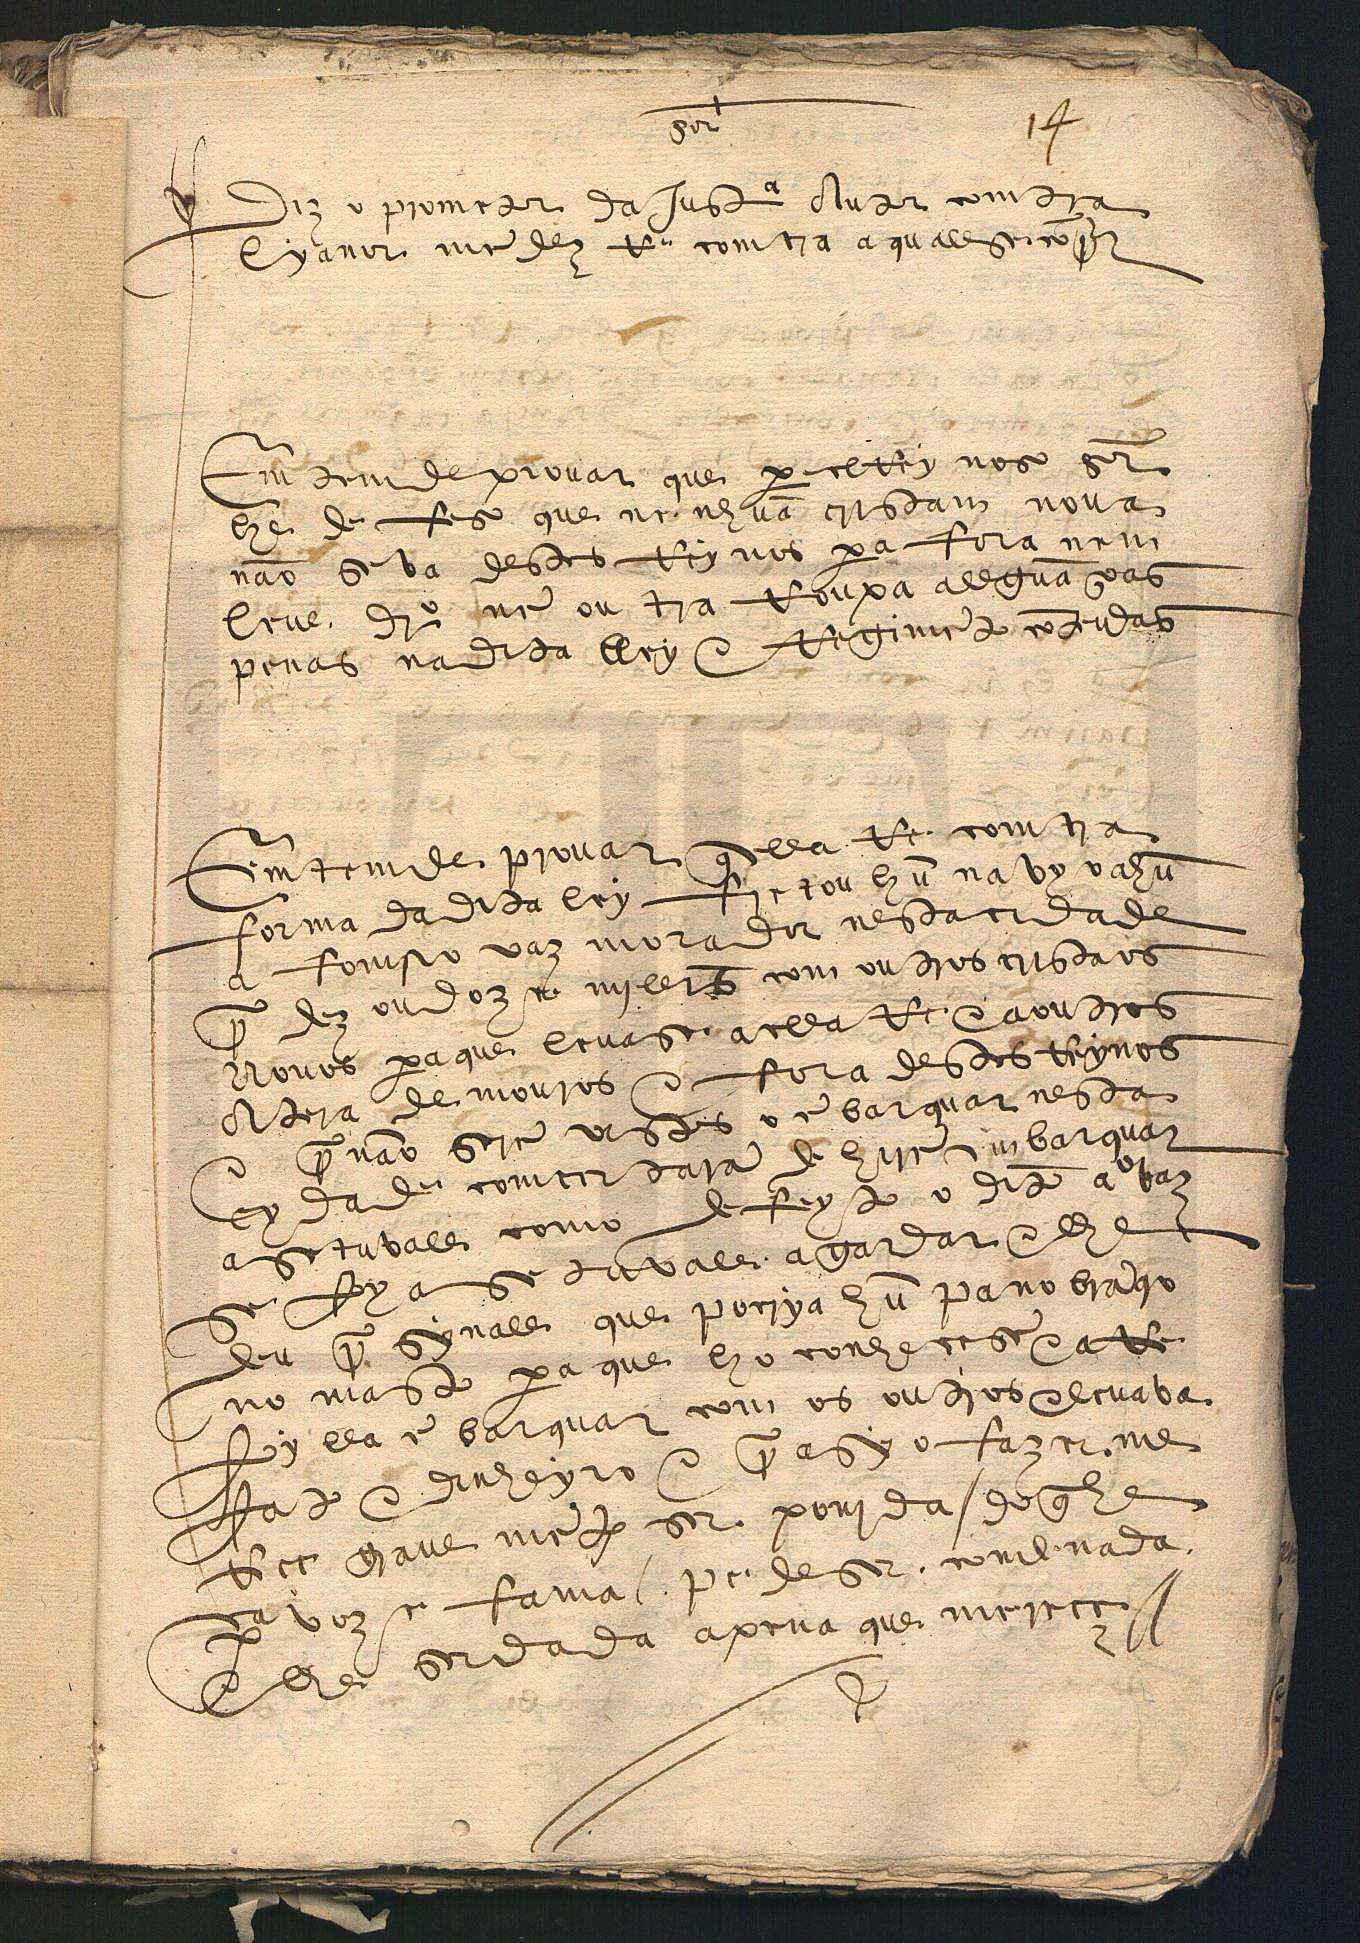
sor
14
diz o prometor da Justa Autor comtra
lyanor mēdez Re comtra a quall se cōp̄ir
Emtemde prouar que ꝑ el Rey noso sōr
he defeso que nenhuā cristam noua
não se va destes Reynos ꝑa fora nem
leue dro nē outra Roupa allgūa so as
penas na dita lley e Regimēto c̄oteudas
Emtemde prouar q̄ ella Re comtra
forma da dita ley fretou hū navyo a hū
afomsso vaz morador nesta cidade
p̄o dez ou doze mjll r̄s com outros cristaos
Nouos ꝑa que leuase a ella Re e a outros
A tera de mouros e fora destes Reynos
e p̄o não serē vistos o ēbarquar nesta
cydade comcertarā de hirē embarquar
a setuvall como de feyto o dito ao vaz
se foy a setuvall agardar e lhe
deu p̄o synall que poerya hū pano brāqo
no masto ꝑa que ho conhecesē e a Re
foy lla ēbarquar com os outros e leuava
fato e dinheyro e p̄o asy o fazer me
Rece grauemētꝭ ser ponjda / do q̄ he
ꝑca voz e fama / pede ser condenada
e lhe ser dada a pena que merece
